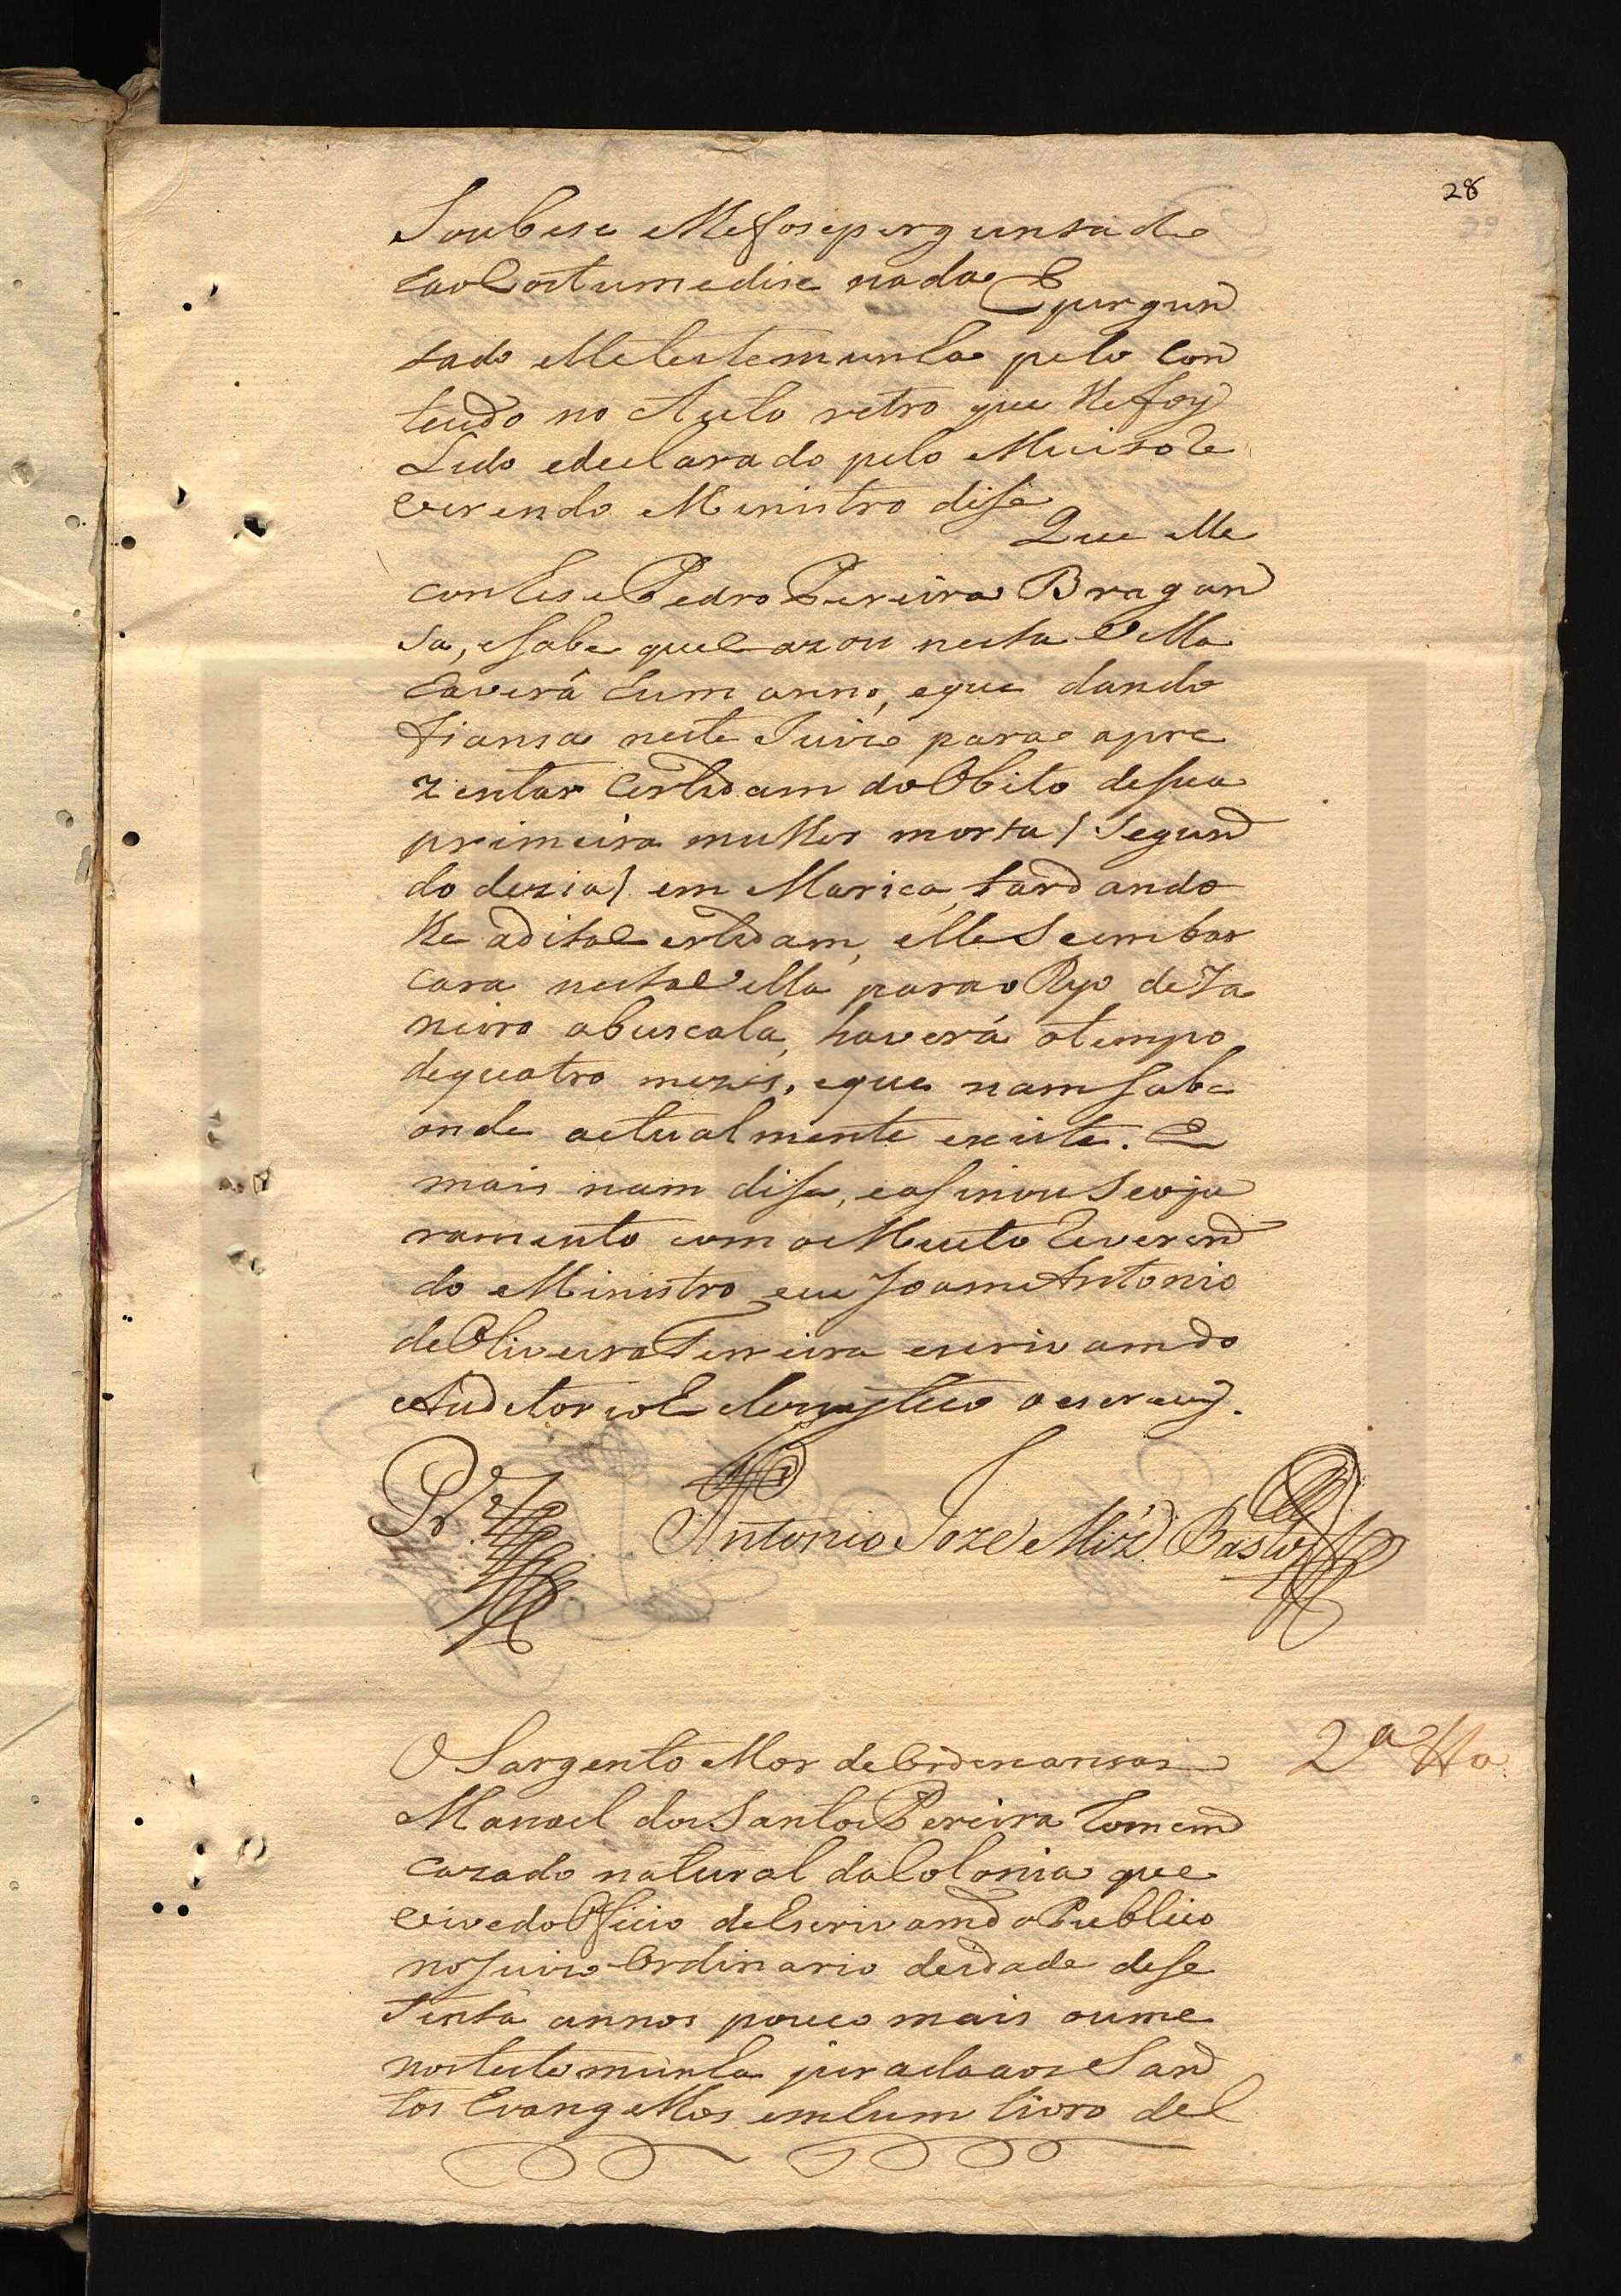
Soubese e lhe fose perguntado
E ao Costume dise nada
E pergun
tado elle testemunha pelo Con
teudo no Auto retro que lhe foy
Lido e declarado pelo Muito Re
verendo Ministro dise
Que elle
conhese Pedro Pereira Bragan
sa, e sabe que cazou nesta villa
haverá hum anno, e que dando
fiansa neste Juizo para apre
zentar certidam do Obito de sua
primeira mulher morta / Segun
do dezia / em Marica tardando
lhe a dita Certidam elle Se embar
cara nesta villa para o Ryo de Ja
neiro a buscala, haverá o tempo
de quatro mezes, e que nam sabe
onde actualmente escrita. E
mais nam dise, e asinou seo ju
ramento com o Muito Reveren
do e Ministro e eu Joam Antonio
de Oliveira Ferreira escrivam do
Auditorio Ecleziastico o escrevj.
Antonio Joze Miz̄ Bastos
O Sargento Mor de Ordenansas
2a tta
Manoel dos Santos Pereira Homem
cazado natural da Colonia que
vive do Oficio de Escrivam do Publico
no Juizo ordinario de idade de se
tenta annos pouco mais ou me
nos testemunha jurada aos San
tos Evangelhos em hum livro del
